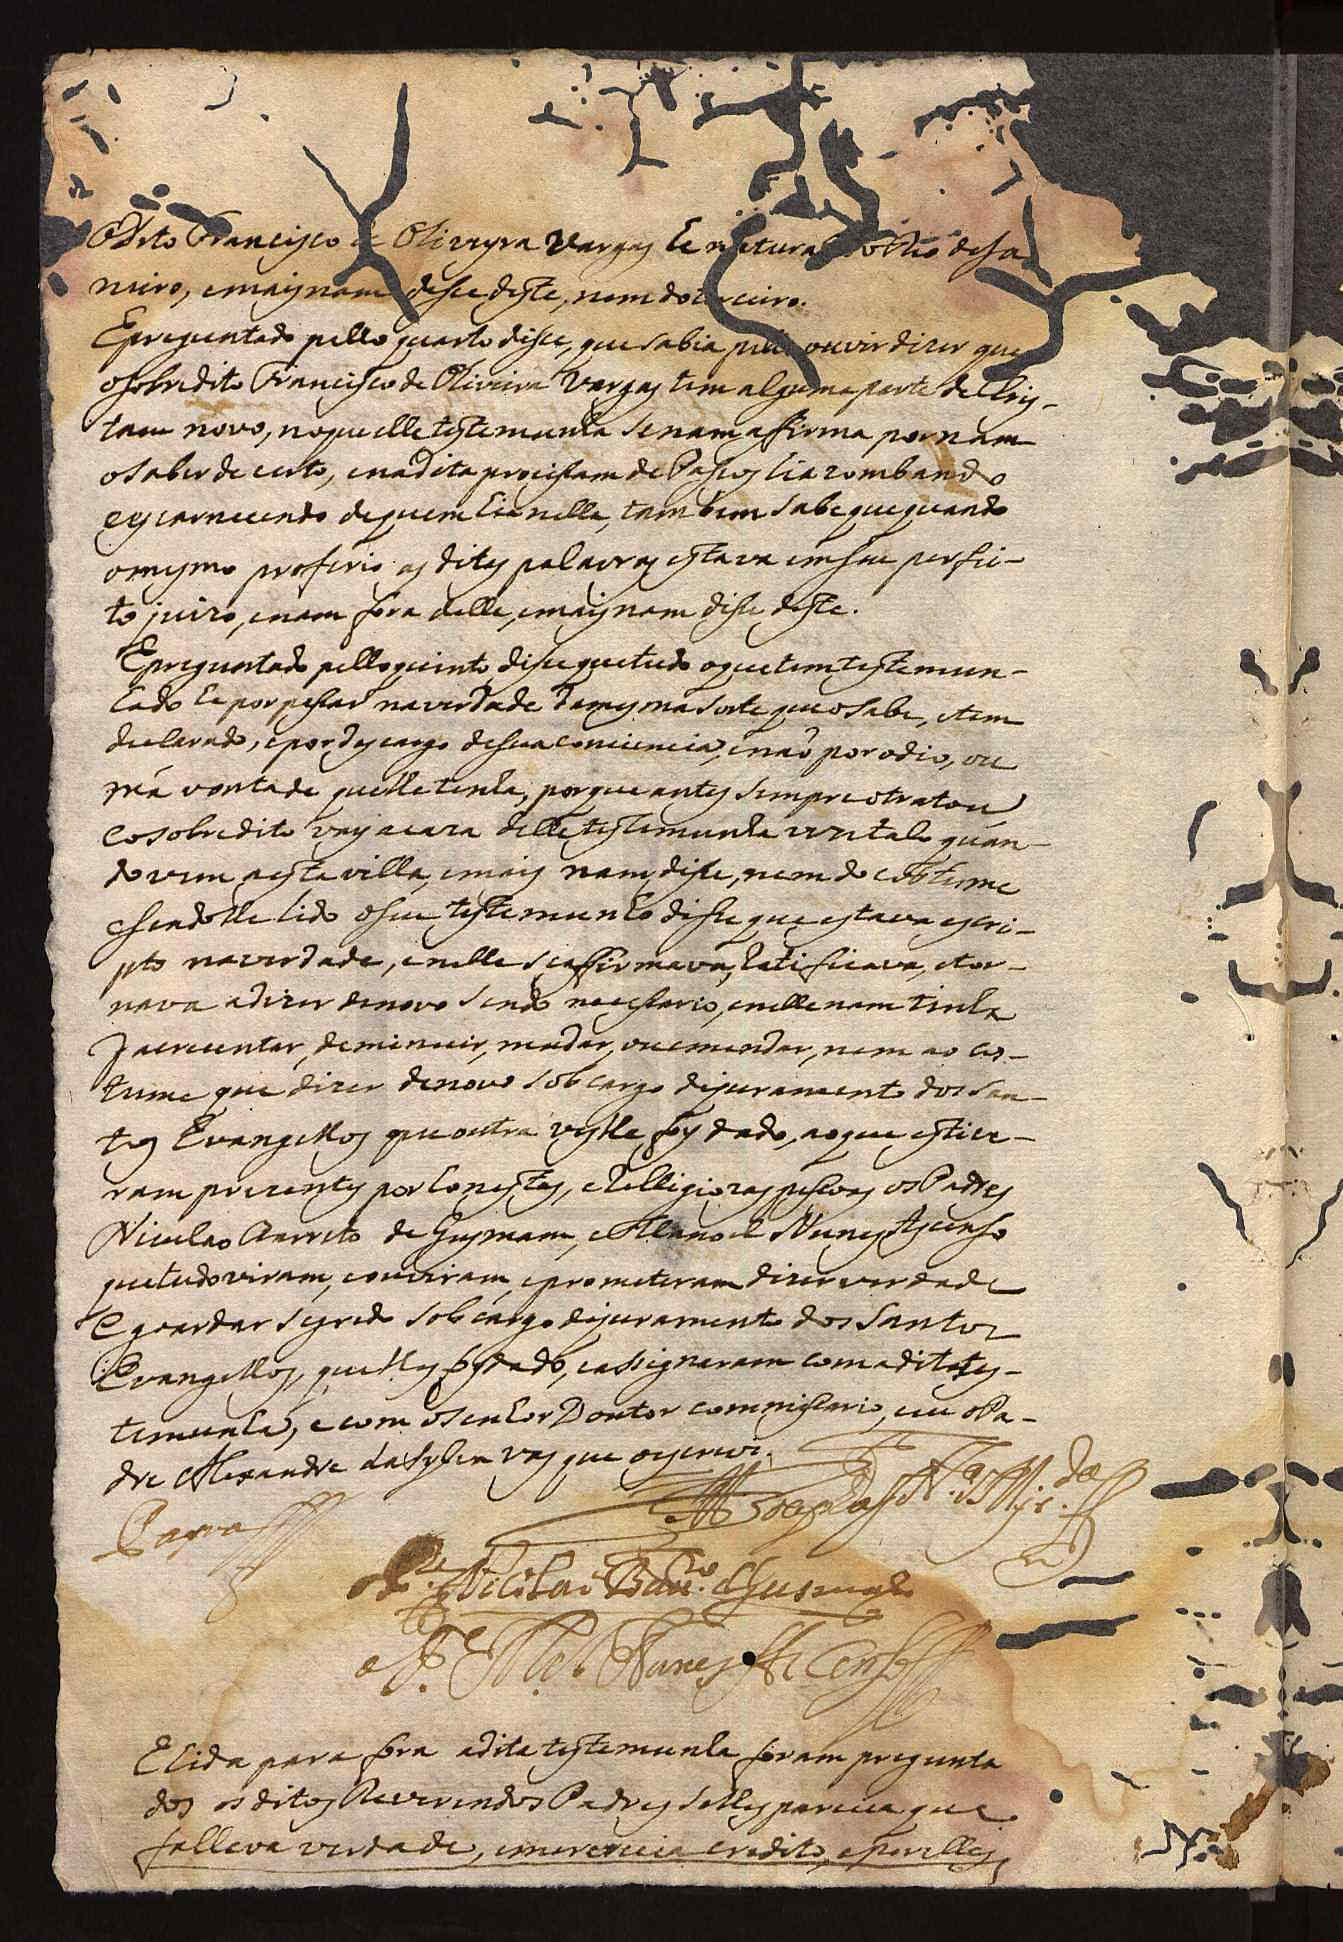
O dito Francisco de Oliveyra Vargas he natural _o Rio de Ja
neiro, e mais nam disse deste, nem do terceiro.
E preguntado pello quarto disse, que sabia pelo ouvir dizer que
o sobredito Francisco de Oliveira Vargas tem alguma parte de Chris
tam novo, no que elle testemunha se nam affirma por nam
o saber de certo, e na dita procissam de Passos hia zombando
e escarnecendo de quem hia nella, tambem sabe que quando
o mesmo proferio as ditas palavras estava em seu perfei
to juizo, e nam fora delle, e mais nam disse deste.
E preguntado pello quinto disse que tudo o que tem testemun
hado he por passar na verdade da mesma sorte que o sabe, e tem
declarado, e por descargo de sua conciencia, e naõ por odio, ou
má vontade que lhe tenha, porque antes sempre o tratou,
e o sobredito vay a caza delle testemunha vizitalo quan
do vem a esta villa, e mais nam disse, nem do costume
e sendolhe lido o seu testemunho disse que estava escri
pto na verdade, e nelle se affirmava, Ratificava, e tor
nava a dizer de novo sendo necessario, e nelle nam tinha
q̄ acrecentar, deminuir, mudar, ou emendar, nem ao cos
tume que dizer de novo sob cargo do juramento dos san
tos Evangelhos que outra ves lhe foy dado, ao que estive
ram prezentes por honestas, e Relligiozas pessoas os Padres
Niculao Barreto de Gusmam, e Manoel Nunes Ascenso
que tudo viram, e ouviram e prometeram dizer verdade
e goardar segredo sob cargo do juramento dos Santos
Evangelhos, que lhes foy dado, e assignaram com a dita tes
temunha, e com o senhor Doutor commissario, e eu o Pa
dre Alexandre da Sylva vas que o escrevi.
Jozeph da sil.a Myr.da
Payva
o P.e Nicolao Barr.to d Gusmaõ
o P.e Mel. Nunes AsCenso
E hida para fora a dita testemunha foram pregunta
dos os ditos Reverendos Padres se lhes parecia que
fallava verdade, e mererecia credito, e por elles
